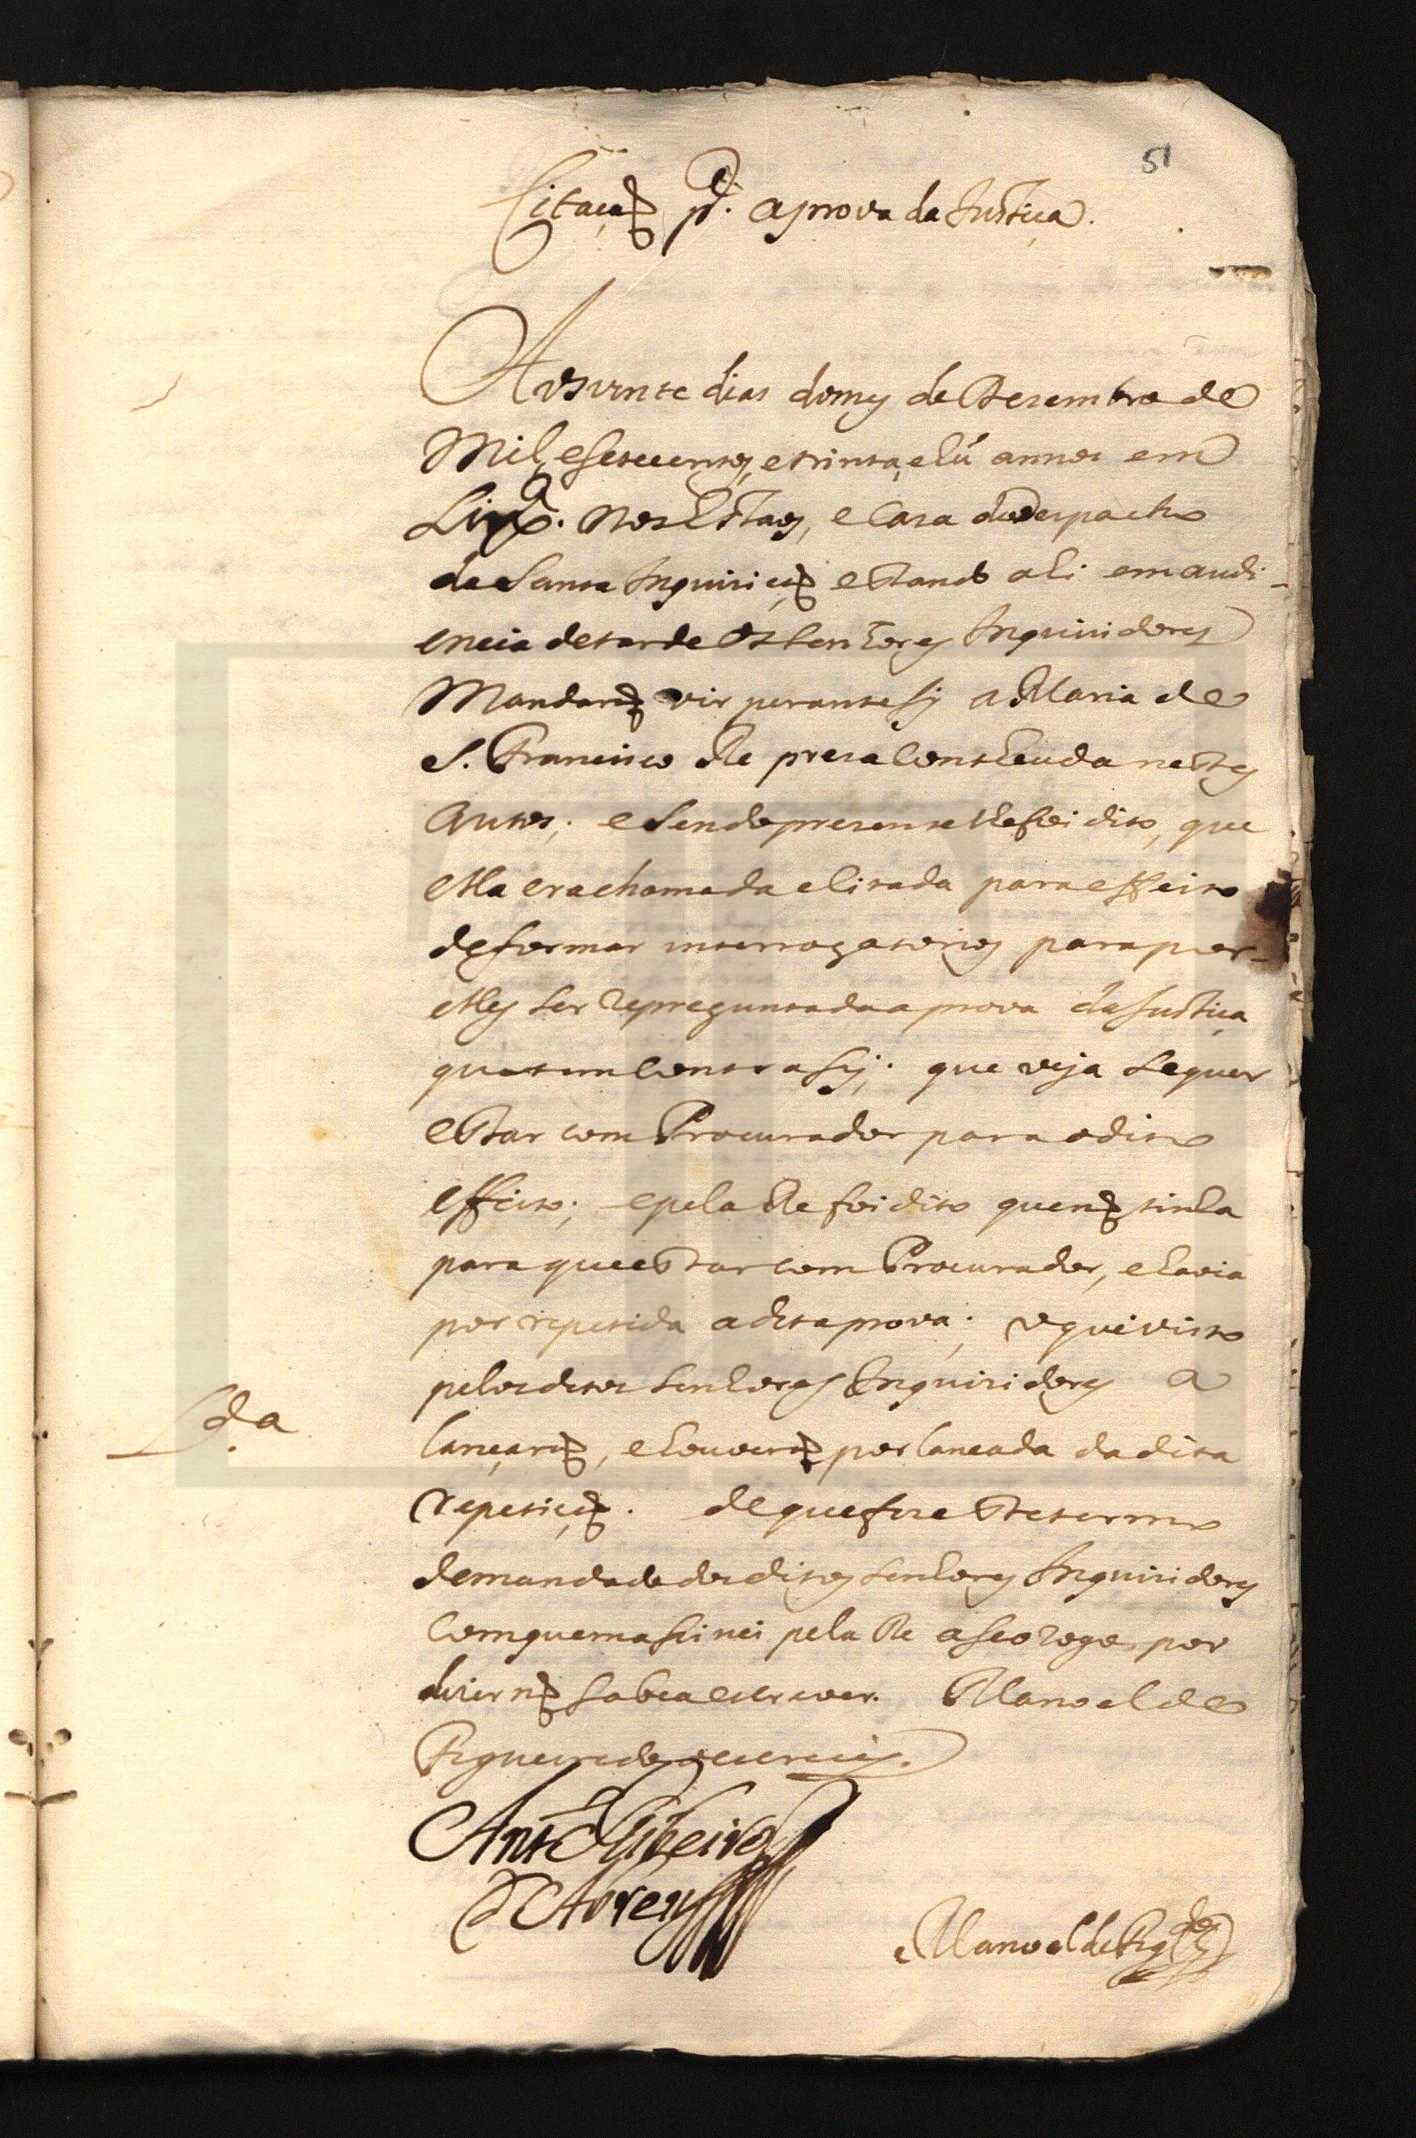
L.da
51
Citaçaõ p.a a prova da Iustiça.
Aos vinte dias do mes de Dezembro de
Mil e setecentos, e trinta, e hū annos em
Lix.a. nos Estaos, e caza do despacho
da Santa Inquiziçaõ estando ahi em audi
encia de tarde os senhores Inquisidores
Mandarõ vir perante sy a Maria de
S. Francisco Re preza contheuda nestes
autos; e sendo prezente lhe foi dito, que
ella era chamada e Citada para effeito
de formar interrogatorios para por
elles ser Repreguntada a prova da Justiça
que tem contra sy; que veja se quer
estar com Procurador para o dito
effeito; e pela Re foi dito que naõ tinha
para que estar com Procurador, e havia
por repetida a dita prova: o que visto
pelos ditos senhores Inquizidores a
lançaraõ, e houveraõ por lancada da dita
repetição. de que fiz este termo
de mandado dos ditos senhores Inquizidores
com quem assinei pela Re a seo Rogo por
dizer nõ sabia escrever. Manoel de
Figueiredo o ecreuy.
Anto Ribeiro
d̄ Abreu
Manoel de Figdo
